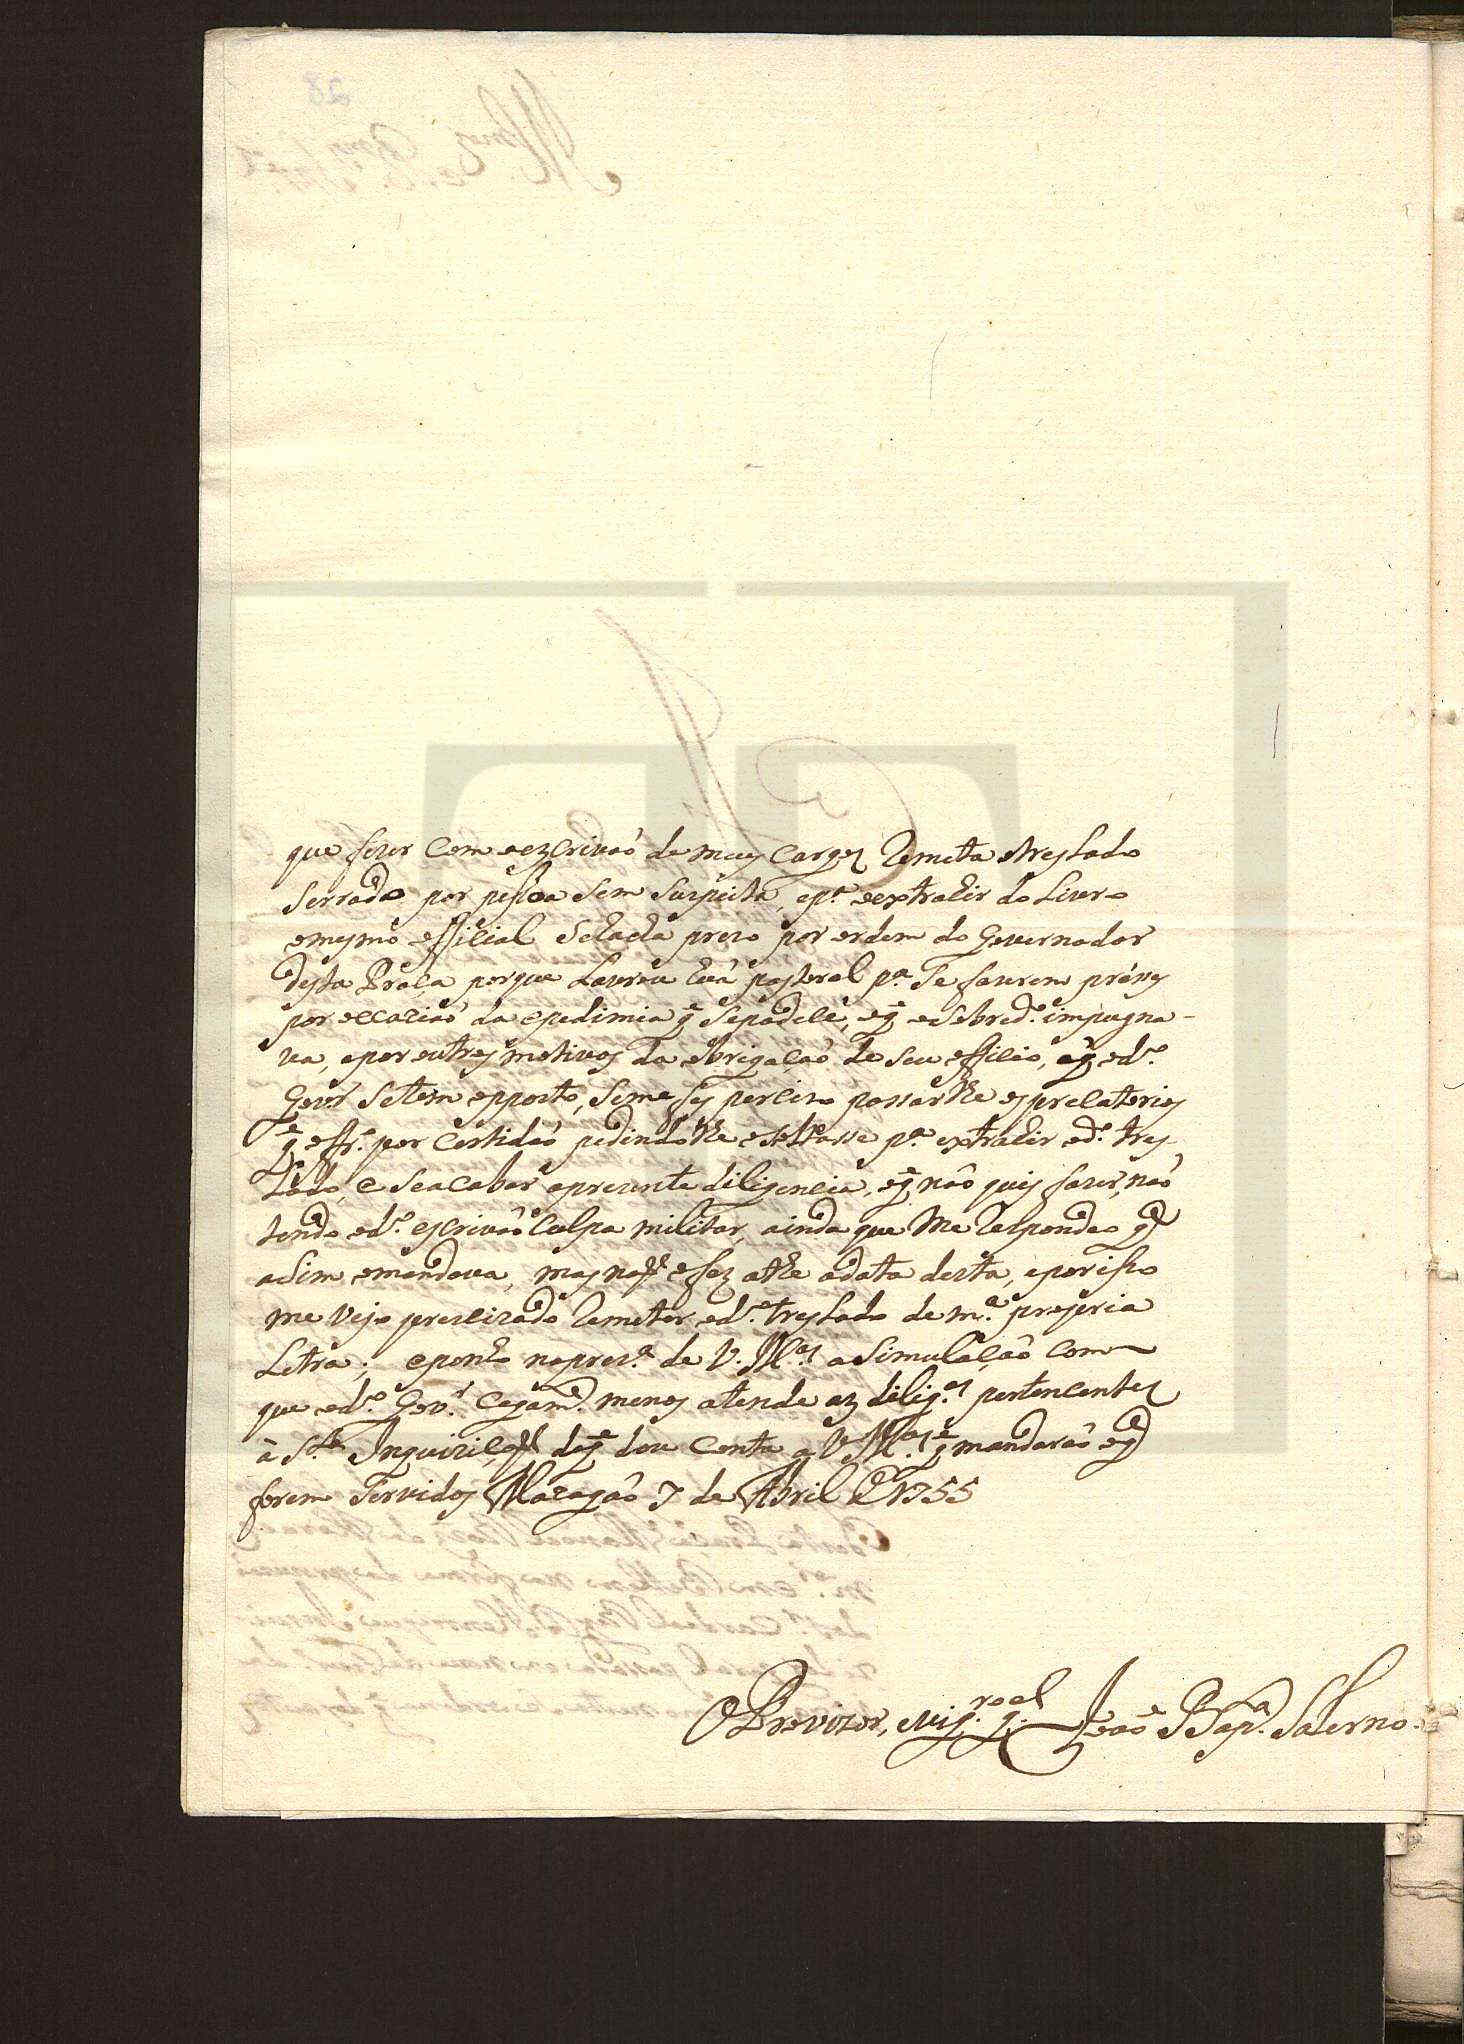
que fizer com o escrivaõ de meus cargoz Remeta o treslado
serrado por pessoa sem suspeita, e p.a o extrahir do Livro
o mesmo official se hacha prezo por ordem do Governador
desta Praça porque Lavrou huā pastoral p.a se fazerem présses
por occaziaõ da epedimia q̄ se padece, o q̄ o sobred.o impugna
va, e por outros motivos da obrigaçaõ de seu officio, a q̄ o d.o
Gov.r se tem opposto, se me fes percizo passarlhe os precatorios
q̄. offr.o por certidaõ pedindolhe o soltasse p.a extrahir o d.o tres
lado, e se acabar a prezente diligencia, o q̄ naõ quis fazer, naõ
tendo o d.o escrivaõ Culpa militar, ainda que me Respondeo q̄
aSim o mandava, mas naõ o fez athe a data desta, e por isso
me vejo prescizado Remeter o d.o treslado de m.a propria
Letra; e ponho na prez.a de V. Ill.as a simulaçaõ com
que o d.o Gov.r cegam.te menos atende az dilig.as pertencentes
à S.ta Inquiziçaõ do q̄ dou conta a V. Ill.as q̄ mandaraõ o q̄
forem servidos Mazagaõ 7 de Abril d̄ 1755
O Provizor, e vig.ro g.al Joaõ Bap.ta Salerno
